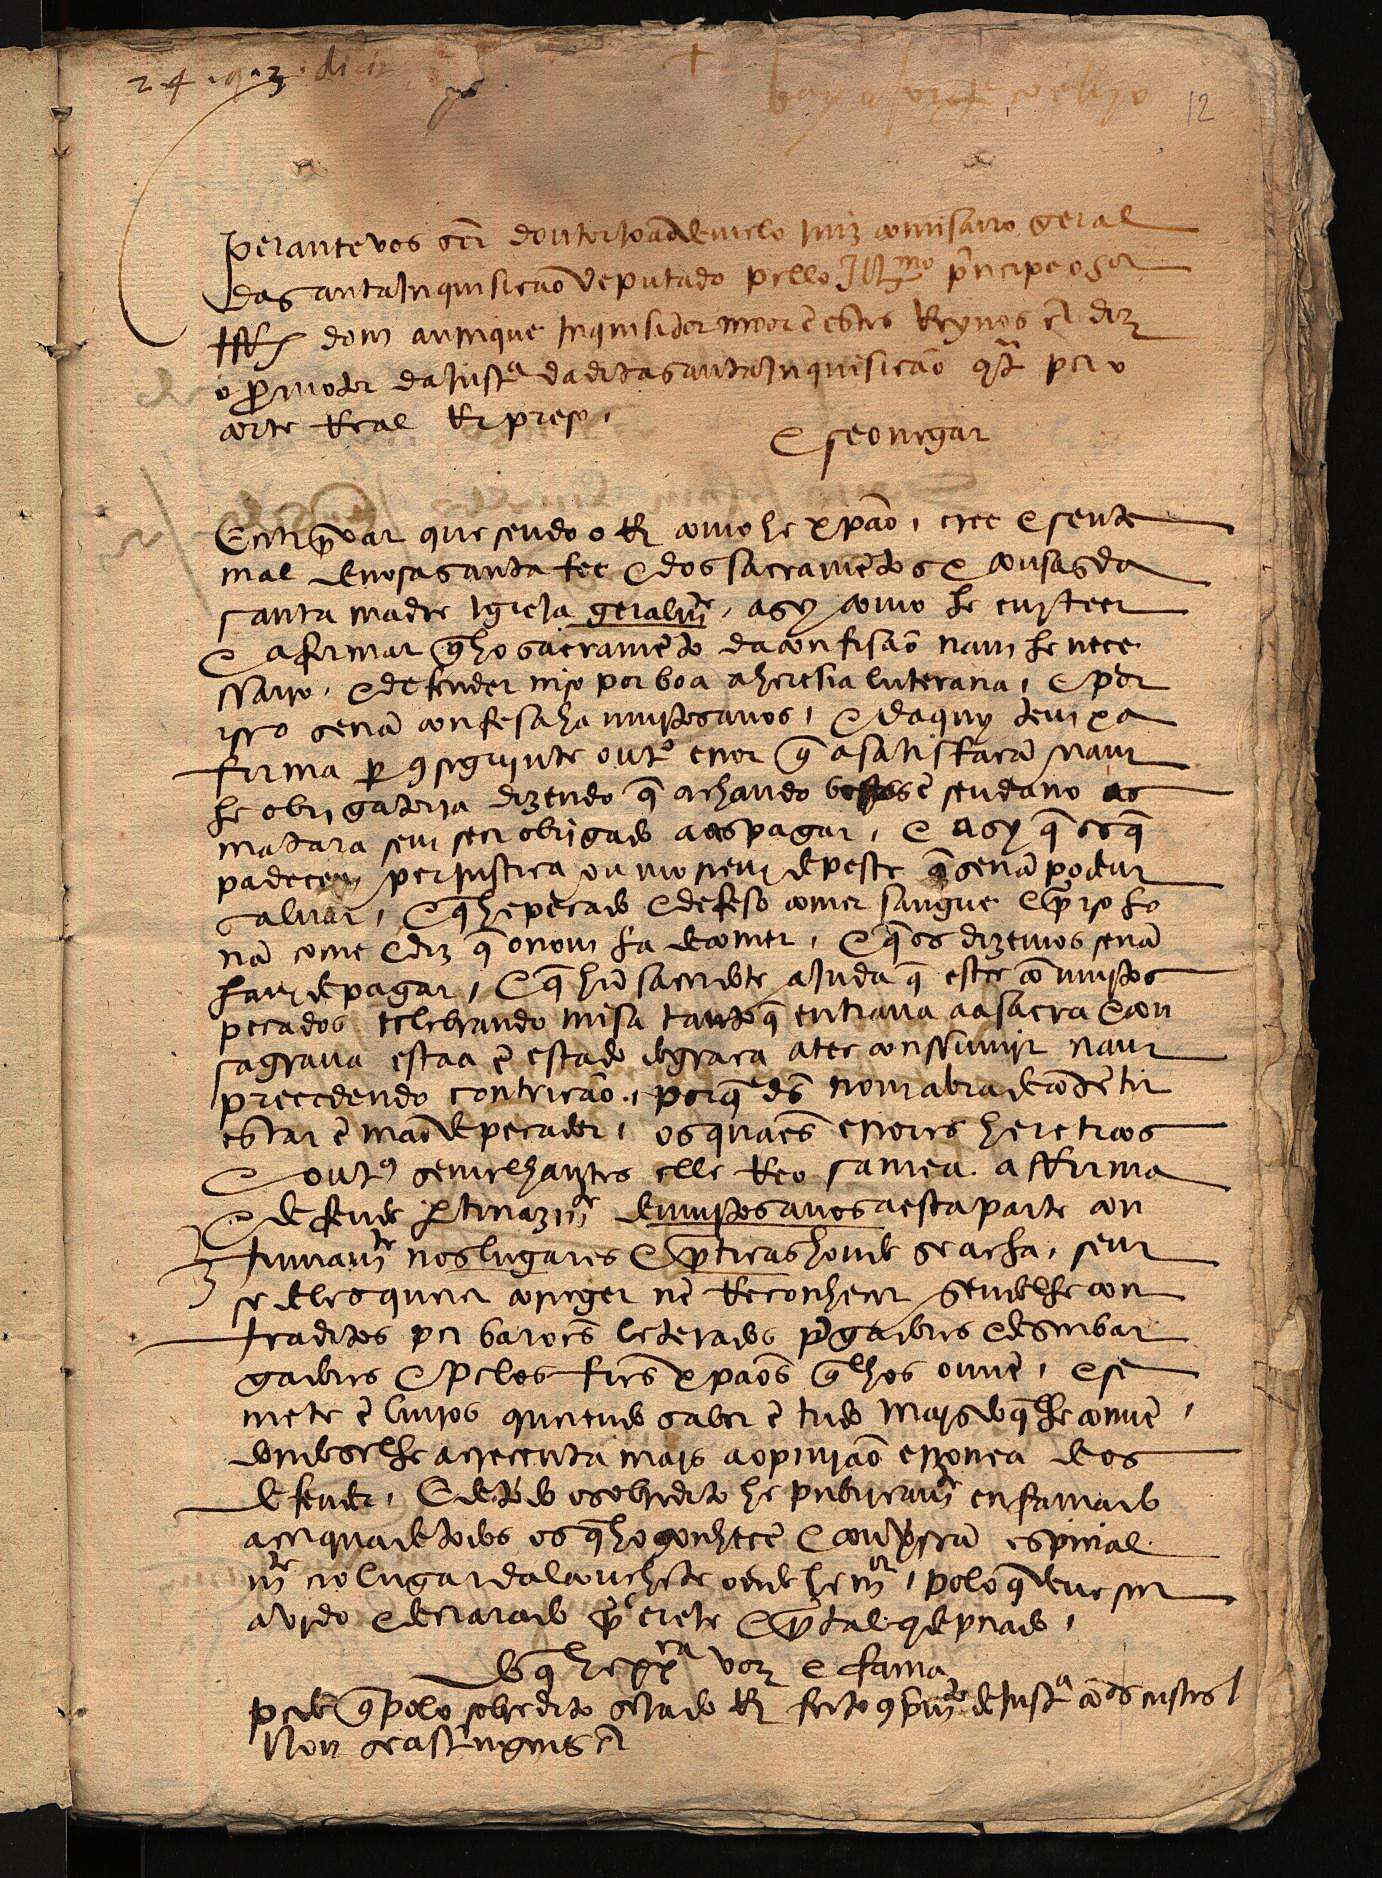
2 . 4 . 9 . 3 dicit
vay a Jorge coelho
Perante vos sōr doutor João de melo Juiz comisairo geral
da santa Jnquysicão deputado pello JlLmo pincipe o Sor
Jffꝭ dom anrrique Jnquisidor moor ē estes Reynos c̄ diz
o ꝓmotor da Justa da dita santa Jnquisicão ꝯt̄ pero
corte Real R preso ,
e se o negar
Ent p̄var que sendo o R como he xpão , cree e sente
mal de nosa santa fee e dos sacramētos e cousas da
santa madre IgeJa geralmte , asy como he em teer
e afermaar q̄ ho sacramēto da confisão nam he neçe
ssarjo , e defender niso por boa a heresia luterana , e por
isso se nā confesa ha mujtos anos , e daquy tem e a
firma ꝑ ꝯsegujnte outo error q̄ a satisfaçā nam
he obrigatorja dizendo q̄ achando bestas ē seu dano as
matara sem seer obrjgado a as pagar , e asy q̄ os q̄
padeçem per justiça ou morrem de peste q̄ se nā podem
saluar , e q̄ he pecado e defeso comer sangue e p̄o iso ho
nā come e diz q̄ o nom ha de comer , e q̄ os dizemos se nā
ham de pagar / e q̄ hū sacerdote aJnda q̄ estee c̄o mujtos
pecados celebrando misa tanto q̄ entraua aa sacra e con
sagraua estaa ē estado de graça atee conssumjr nam
precedendo contricão ., porq̄ ds̄ nom avia de c̄osētir
estar ē mão de pecador , os quaes errores hereticos
e outꝯ semelhantes elle Reo samea. affirma
e defende ꝑtinazmte de mujtos anos a esta parte con
tinuamte nos lugares e p̄ticas honde se acha , sem
se delo querer correger nē Reconheçer sendolhe con
traditos per barões leterados p̄gadores e desembar
gadores e pelos fies xpaõs q̄ lhos ouuē , e se
mete ē liuros querendo saber ē tudo majs do q̄ lhe conuē
donde se lhe acreçenta majs a opinjão erronea de os
defender , E de todo o sobredito he pubrjcamte enfamado
acerqua de todos os q̄ ho conheçē e conꝟssam̄ espicial
mte no lugar dalcouchete onde he mor , polo q̄ deue seer
avjdo e decrarado p̄o ereJe e p̄o tal ꝯdepnado ,
do q̄ he ppca voz e fama
pede q̄ polo sobredito seja do R feito ꝯp̄mto de Justa cō as custas /
Non se astingens c̄
